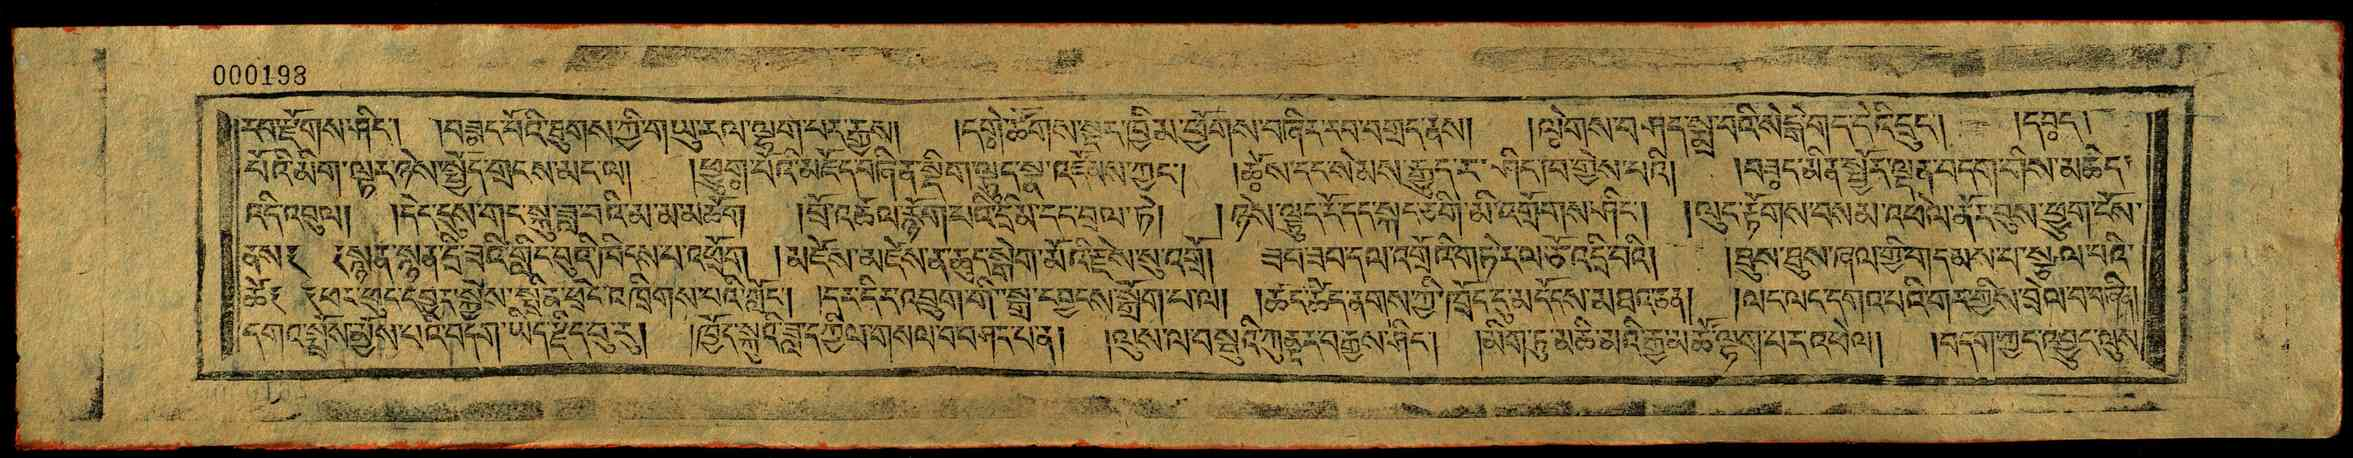རབ་རྫོགས་ཤིང་། །བཟ྾ཨང་པོའི་ཐུགས་ཀྱི་གཡུ་རལ་ལྷག་པར་རྒྱས། །དགྱེས་ཚོགས་སྔར་ཁྱིམ་ཕྱོགས་བཞིར་རབ་བགྲང་ནས། །ལ྾ཨེགས་བཤད་སྨྲ་བའི་སེངྒེ་གང་དེའི་དྲུང་། །དཔུང་
པོའི་མིག་ལྟར་ཉེས་སྤྱོད་གྲངས་མང་ལ། །ཕྱུག་པོའི་མཛོད་བཞིན་སྡིག་ལྟུང་སྣ་འཛོམས་ཀྱང་། །ཚེས་དང་སེམས་ཀྱང་ར་ཤིང་ཁ་གྱེས་པའི། །བཟང་མིན་སྦྱོང་ལྡན་བདག་གིས་མཆིད་
འདི་འབུལ། །དེང་དུས་གང་སྐུ་ཟླ་བའི་མ་མ་མཆོག །བྲོ་འཚལ་རྙོག་པའི་དྲི་མ་དང་བྲལ་ཏེ། །ཉེས་ལྟུང་རོ་དང་སྐད་ཅིག་མི་འགྲོགས་ཞིང་། །ལུང་རྟོགས་བསམ་འཕེལ་ནོར་བུས་ཕྱུག་པོས་
ནུས༑ ༑སྙན་སྙན་དྲི་ཟའི་གླིང་བུའི་ཁེངས་པ་འཕྲོག །མཛེས་མཛེས་ན་ཆུང་སྒེག་མོའི་རྗེས་སུ་འགྲོ། ཟབ་ཟབ་དལ་འགྲོའི་གཏེར་ལ་ཅོ་འདྲི་བའི། །ཐུས་ཐུས་ཞལ་གྱི་གདམས་པ་སྩེལ་བའི་
ཚེ༑ ༑ཕང་ཕུང་དབྱར་སྐྱེས་སྤྲིན་ཕྲེང་འཁྲིགས་པའི་ཀློང་། །དར་དིར་འབྲུག་གི་སྒྲ་དབྱངས་སྒྲོག་པ་ལ། །ཚང་ཚིང་ནགས་ཀྱི་ཁྲོད་དུ་མདངས་མཐའ་ཅན། །ལང་ལང་དགའ་བའི་གར་གྱིས་བྲེལ་བ་བཞི་
དགའ་སྤྲོས་མྱོས་པའི་བདག་ཡིད་རྫིང་བུ་རུ། །ཁྱེད་སྐུའི་ཟླ་དཀྱིལ་གསལ་བར་ཤར་བ་ན། །ལུས་ལ་བ་སྤུའི་ཀུནྜ་རབ་རྒྱས་ཤིང་། །མིག་ཏུ་མཆི་མའི་རྒྱ་མཚོ་ལྷག་པར་འཕེལ། །བདག་ཀྱང་འབྱུང་ལུས་